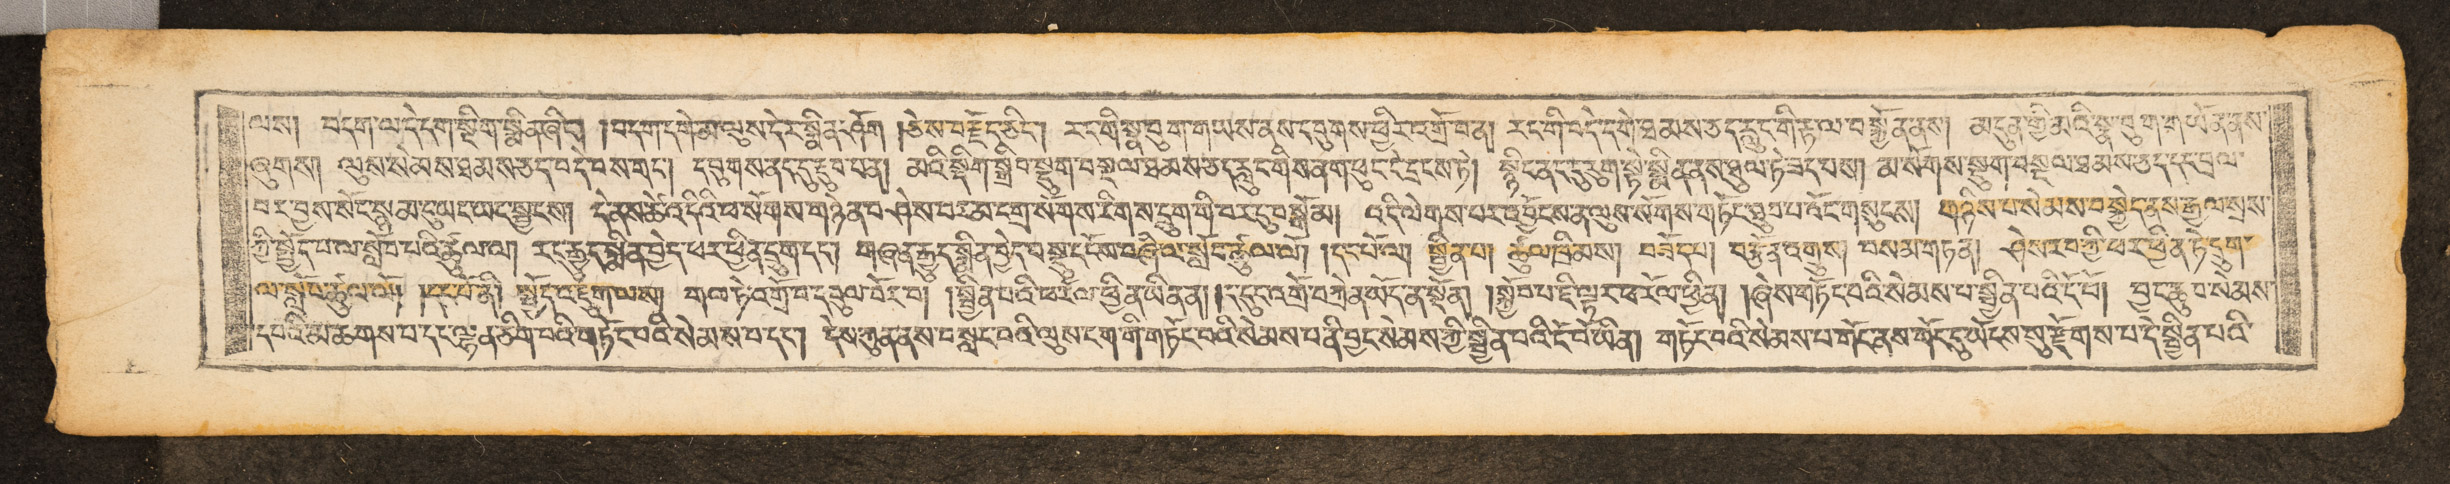ལས། བདག་ལ་དེ་དག་སྡིག་སྨིན་ཞིང་། །བདག་དགེ་མ་ལུས་དེར་སྨིན་ཤོག །ཅེས་བརྗོད་ཅིང་། རང་གི་སྣ་བུག་གཡས་ནས་དབུགས་ཕྱིར་འགྲོ་བ་ན། རང་གི་བདེ་དགེ་ཐམས་ཅད་རླུང་གི་རྟ་ལ་བསྐྱོན་ནས། མདུན་གྱི་མའི་སྣ་བུག་གཡོན་ནས་
ཞུགས། ལུས་སེམས་ཐམས་ཅད་བདེ་བས་གང་། དབུགས་ནང་དུ་རྡུབ་པ་ན། མའི་སྡིག་སྒྲིབ་སྡུག་བསྔལ་ཐམས་ཅད་རླུང་གིས་ནག་ཕུང་དེ་དྲངས་ཏེ། སྙིང་ནང་དུ་རུག་སྟེ་སྨིན་ནས་ཐུལ་ཏེ་ཟད་པས། མ་སོགས་སྡུག་བསྔལ་ཐམས་ཅད་དང་བྲལ་
བར་བྱས་སོང་སྙམ་དུ་ཡང་ཡང་སྦྱངས། དེ་ནས་ཚེ་འདིའི་ཕ་སོགས་གཉེན་བཤེས་བར་མ་དགྲ་སོགས་རིགས་དྲུག་གི་བར་དུ་བསྒོམ། འདི་ལེགས་པར་འབྱོངས་ན་ལུས་སོགས་གཏོང་ཐུབ་པ་འོང་གསུངས། གཉིས་པ་སེམས་བསྐྱེད་ནས་རྒྱལ་སྲས་
ཀྱི་སྤྱོད་པ་ལ་སློབ་པའི་ཚུལ་ལ། རང་རྒྱུད་སྨིན་བྱེད་ཕར་ཕྱིན་དྲུག་དང་། གཞན་རྒྱུད་སྨིན་བྱེད་བསྡུ་དངོས་བཞི་ལ་སློབ་ཚུལ་ལོ། །དང་པོ་ལ། སྦྱིན་པ། ཚུལ་ཁྲིམས། བཟོད་པ། བརྩོན་འགྲུས། བསམ་གཏན། ཤེས་རབ་ཀྱི་ཕར་ཕྱིན་ཏེ་དྲུག་
ལ་སློབ་ཚུལ་ལོ། །དང་པོ་ནི། སྤྱོད་འཇུག་ལས། གལ་ཏེ་འགྲོ་བ་དབུལ་བོང་བ། །སྦྱིན་པའི་ཕ་རོལ་ཕྱིན་ཡིན་ན། །ད་དུང་འགྲོ་བཀྲེན་ཡོད་ན་སྔོན། །སྐྱོབ་པ་ཇི་ལྟར་ཕ་རོལ་ཕྱིན། །ཞེས་གཏོང་བའི་སེམས་པ་སྦྱིན་པའི་ངོ་བོ། བྱང་ཆུབ་སེམས་
དཔའི་མ་ཆགས་པ་དང་ལྷན་ཅིག་པའི་གཏོང་པའི་སེམས་པ་དང་། དེས་ཀུན་ནས་བསླང་བའི་ལུས་ངག་གི་གཏོང་བའི་སེམས་བ་ནི་བྱང་སེམས་ཀྱི་སྦྱིན་པའི་ངོ་བོ་ཡིན། གཏོང་བའི་སེམས་པ་གོང་ནས་གོང་དུ་ཡོངས་སུ་རྫོགས་པ་དེ་སྦྱིན་པའི་